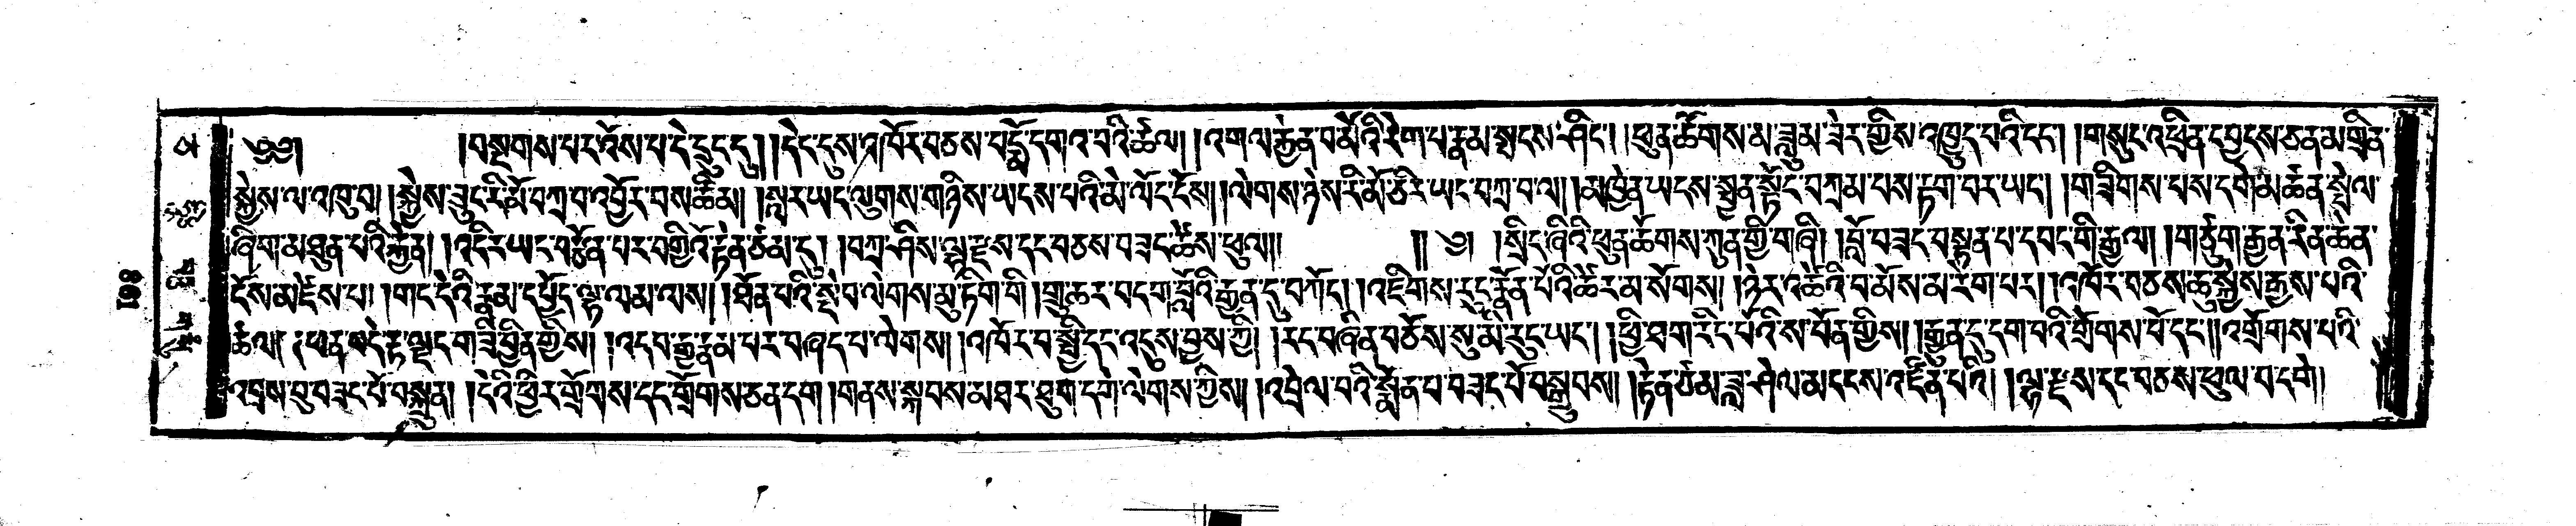༄༅། །བསྔགས་པར་འོས་པ་དེ་དྲུང་དུ། །དེང་དུས་འཁོར་བཅས་པདམོ་དགའ་བའི་ཚལ། །འགལ་རྐྱེན་བ་མོའི་རེག་པ་རྣམ་སྤངས་ཤིང་། །ཕུན་ཚོགས་མ་ཟླུམ་ཟེར་གྱིས་འཁྱུད་པའི་ངང་། །གསུང་འཕྲིན་དབྱངས་ཅན་མགྲིན་
སྐྱེས་ལ་འཁུ་བ། །སྐྱེས་ཟུང་རི་མོ་བཀྲ་བ་འབྱོར་པས་ཚིམ། །སླར་ཡང་ལུགས་གཉིས་ཡངས་པའི་མེ་ལོང་ངོས། །ལེགས་ཉེས་རི་མོ་ཅིར་ཡང་བཀྲ་བ་ལ། །མཁྱེན་ཡངས་སྤྱན་སྟོང་བཀྲམ་པས་རྟག་པར་ཡང་། །གཟིགས་པས་དགེ་མཚན་སྤེལ་
ཞིག་མཐུན་པའི་རྐྱེན། །འདིར་ཡང་བརྩོན་པར་བགྱིའོ་རྟེན་ཙམ་དུ། །བཀྲ་ཤིས་ལྷ་རྫས་དང་བཅས་བཟང་ཚེས་ཕུལ།། །།༄༅། །སྲིད་ཞིའི་ཕུན་ཚོགས་ཀུན་གྱི་གཞི། །བློ་བཟང་བསྟན་པ་དབང་གི་རྒྱལ། །གཙུག་རྒྱན་རིན་ཆེན་
ངོས་མཛེས་པ། །གང་དེའི་རྣམ་དཔྱོད་ལྷ་ལམ་ལས། །ཐོན་པའི་སྡེབ་ལེགས་མུ་ཏིག་གི །གྲུ་ཆར་བདག་བློའི་རྒྱན་དུ་བཀོད། །འཇིགས་རུང་རྣོན་པོའི་ཚེར་མ་སོགས། །ཉེར་འཚེའི་བ་མོས་མ་རེག་པར། །འཁོར་བཅས་ཆུ་སྐྱེས་རྒྱས་པའི་
ཚལ། །ཕན་བདེ་རྟ་ལྗང་གཟི་བྱིན་གྱིས། །འདབ་རྒྱ་རྣམ་པར་བཞད་པ་ལེགས། །འཁོར་བ་སྤྱི་དང་འདུས་བྱས་ཀྱི། །རང་བཞིན་བཅོས་སུ་མི་རུང་ཡང་། །ཕྱི་ཐག་རིང་པོའི་ས་བོན་གྱིས། །རྒྱུན་དུ་དག་པའི་གྲོགས་པོ་དང་། །འགྲོགས་པའི་
འབྲས་བུ་བཟང་པོ་བསྐྲུན། །དེའི་ཕྱིར་གྲོགས་དང་གྲོགས་ཅན་དག །གནས་སྐབས་མཐར་ཐུག་དགེ་ལེགས་ཀྱིས། །འབྲེལ་བའི་སྨོན་པ་བཟང་པོ་བསྒྲུབས། །རྟེན་ཙམ་ཟླ་ཤེལ་མདངས་འཛིན་པའི། །ལྷ་རྫས་དང་བཅས་ཕུལ་བ་དགེ། །།